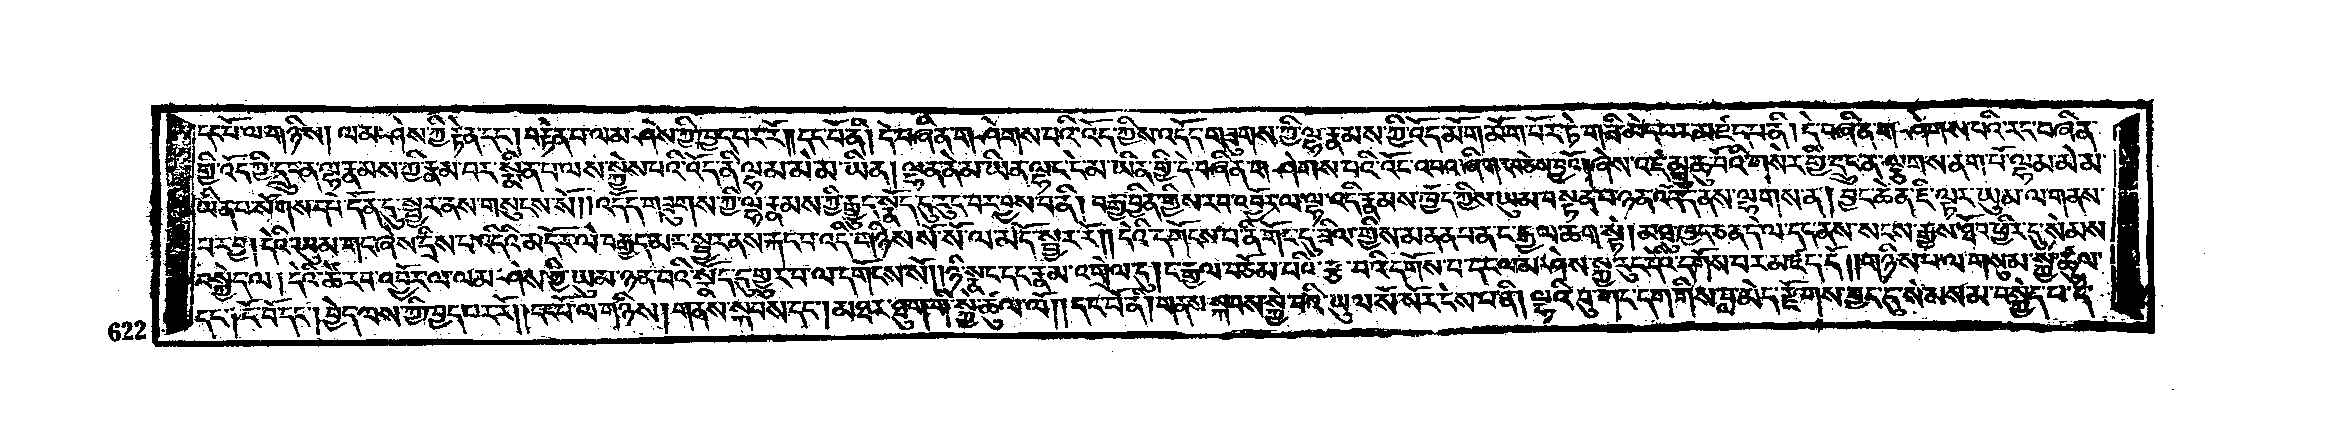དང་པོ་ལ་གཉིས། ལམ་ཤེས་ཀྱི་རྟེན་དང་། བརྟེན་པ་ལམ་ཤེས་ཀྱི་ཁྱད་པར་རོ། །དང་པོ་ནི། དེ་བཞིན་གཤེགས་པའི་འོད་ཀྱིས་འདོད་གཟུགས་ཀྱི་ལྷ་རྣམས་ཀྱི་འོད་མོག་མོག་པོར་ཏེ་གཟི་མེད་པར་མཛད་པ་ནི། དེ་བཞིན་གཤེགས་པའི་རང་བཞིན་
གྱི་འོད་ཀྱི་དྲུང་ན་ལྷ་རྣམས་ཀྱི་རྣམ་པར་སྨིན་པ་ལས་སྐྱེས་པའི་འོད་ནི་ལྷམ་མེ་མ་ཡིན། ལྷན་ནེ་མ་ཡིན་ལྷང་ངེ་མ་ཡིན་གྱི་དེ་བཞིན་གཤེགས་པའི་འོད་འབའ་ཞིག་རབ་ཅེས་བྱའོ། །ཞེས་འཛམ་བུ་ཆུ་བོའི་གསེར་གྱི་དྲུང་ན་ལྕགས་ནག་པོ་ལྷམ་མེ་མ་
ཡིན་པ་སོགས་དཔེ་དོན་དུ་སྦྱར་ནས་གསུངས་སོ། །འདོད་གཟུགས་ཀྱི་ལྷ་རྣམས་ཀྱི་རྒྱུད་སྣོད་དུ་རུང་བར་བྱས་པ་ནི། བརྒྱ་བྱིན་གྱིས་རབ་འབྱོར་ལ་ལྷ་འདི་རྣམས་ཁྱོད་ཀྱིས་ཡུམ་བསྟན་པ་ཉན་འདོད་ནས་ལྷགས་ན། བྱང་ཆེན་ཇི་ལྟར་ཡུམ་ལ་གནས་
པར་བྱ། དེའི་ཡུམ་གང་ཞེས་དྲིས་པ་འདིའི་མདོར་ལེ་བརྒྱད་མར་སྦྱར་ནས་རྐང་པ་འདི་གཉིས་སོ་སོ་ལ་མདོ་སྦྱར་རོ། །དེའི་དགོངས་པ་ནི་གོང་དུ་ཟིལ་གྱིས་མནན་པ་ན་ང་རྒྱལ་ཆག་སྟེ། མཐུ་ཁྱད་ཅན་དེ་ལ་དད་ནས་སངས་རྒྱས་ཐོབ་ཕྱིར་དུ་སེམས་
བསྐྱེད་ལ། དེའི་ཚེ་རབ་འབྱོར་ལ་ལམ་ཤེས་ཀྱི་ཡུམ་ཉན་པའི་སྣོད་དུ་གྱུར་པ་ལ་དགོངས་སོ། །ཉི་སྣང་དང་རྣམ་འགྲེལ་དུ། ང་རྒྱལ་བཅོམ་པའི་རྩ་བའི་དགོས་པ་དང་ལམ་ཤེས་སྐྱེ་རུང་དེའི་དགོས་པར་མཛད་དེ། །གཉིས་པ་ལ་གསུམ་སྐྱེ་ཚུལ་
དང་། ངོ་བོ་དང་། བྱེད་ལས་ཀྱི་ཁྱད་པར་རོ། །དང་པོ་ལ་གཉིས། གནས་སྐབས་དང་། མཐར་ཐུག་གི་སྐྱེ་ཚུལ་ལོ། །དང་པོ་ནི། གནས་སྐབས་སྐྱེ་བའི་ཡུལ་སོ་སོར་ངེས་པ་ནི། ལྷའི་བུ་གང་དག་གིས་བླ་མེད་རྫོགས་བྱང་དུ་སེམས་མ་བསྐྱེད་པ་དེ་